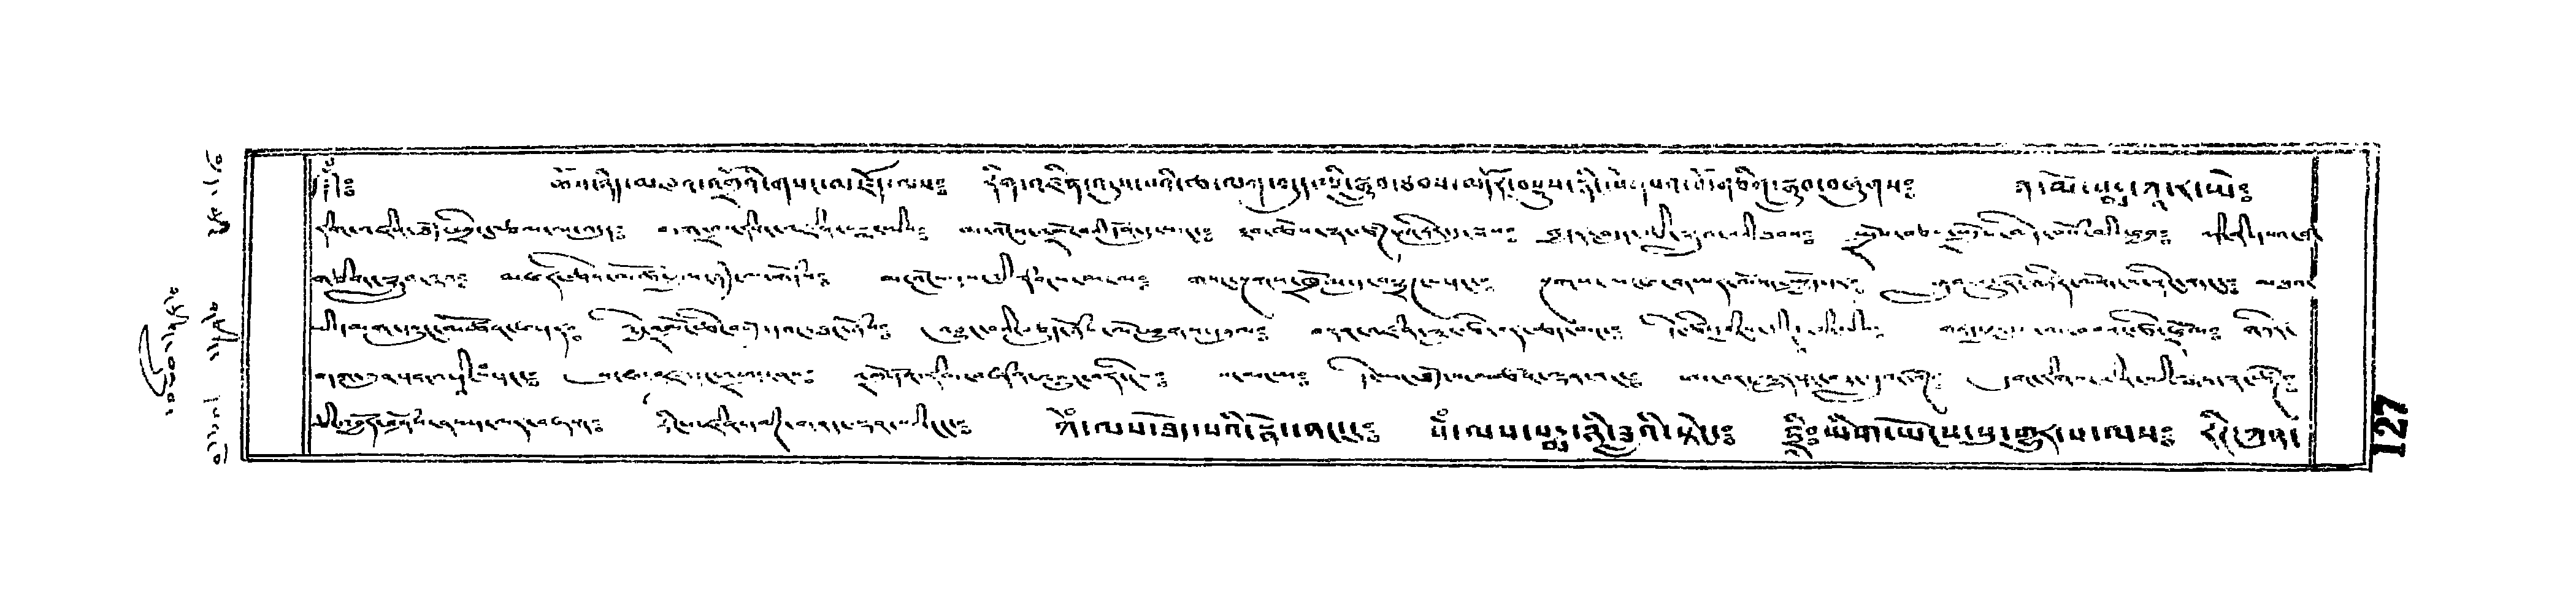ཆོས་ཉིད་མཁའ་འགྲོའི་གསང་མཛོད་ལས༔ རིག་འཛིན་འདུས་པའི་ཆ་ལག་བདུད་རྩི་སྒྲུབ་ཐབས་མདོར་བསྡུས་སྙིང་པོ་དཔའ་བོ་གཅིག་སྒྲུབ་བཞུགས༔ ན་མོ་པདྨ་ཀཱ་ར་ཡེ༔ 
རིག་འཛིན་ཐོད་ཕྲེང་རྩལ་ལ་འདུད༔ བདག་འདྲ་རིག་འཛིན་པདྨ་ཡིས༔ མ་འོངས་འགྲོ་བའི་དོན་དུ་ཡང༔ ཟབ་ཆོས་སྣ་ཚོགས་གཏེར་དུ་སྦས༔ ཁྱད་པར་བདུད་རྩི་སྒྲུབ་པའི་ཐབས༔ སྤྲོས་བཅས་སྤྲོས་མེད་བསམ་མི་ཁྱབ༔ འདི་ནི་དཔའ་བོ་
གཅིག་སྒྲུབ་ཟབ༔ མཁར་ཆེན་མཚོ་རྒྱལ་ཉིད་ལ་གདམས༔ མ་འོངས་དུས་ཀྱི་སྙིགས་མ་ལ༔ གསང་སྔགས་ཁྲོམ་དུ་བསྒྲགས་པ་དང༔ སྔགས་ལ་ཁ་གཡར་ལོག་སྤྱོད་དར༔ གྲུབ་རྫུན་གཏེར་ལོག་ས་སྟེང་གང༔ མཐའ་
མའི་དམག་ཤུགས་མཚོན་ཁ་དར༔ སྐྱེ་འགྲོ་ཚེ་བསོད་དབང་ཐང་ཉམས༔ འབྱུང་བའི་བཅུད་ཉམས་ལོ་ཕྱུགས་དབུལ༔ བསྟན་འཛིན་སྐུ་ཚེར་བར་ཆད་མང༔ དེའི་ཚེ་དབྱིངས་ཀྱི་ཌཱ་ཀི་ཡིས༔ གསང་རྒྱ་དུས་ལ་བབས་ཚེ་ཕྲོལ༔ གཏེར་
བདག་ཀུན་དགའ་དཱི་པཾ་དང༔ སུ་ཁ་བཛྲ་དང་འཕྲད་ནས༔ འགྲོ་དོན་རིམ་བཞིན་འབྱུང་བར་ངེས༔ ས་མ་ཡ༔ དེ་ཡང་ཐོད་པ་མཚན་ལྡན་ནང༔ ཨ་བར་སྐྱུར་དང་བཟང་དྲུག་སོགས༔ དུག་རིགས་མིན་པའི་སྨན་སྣ་ཚོགས༔ 
ཅི་འབྱོར་བཤམས་ནས་ད་ལར་བཞག༔ ཏིང་འཛིན་དམིགས་གནད་ལྡན་པའི་ངང༔ ཀེཾ་ལས་ཐོད་པའི་སྣོད་ནང་དུ༔ པྃ་ལས་པདྨ་ཉི་ཟླའི་སྟེང༔ ཧྲཱིཿཡིག་ཡོངས་སུ་གྱུར་པ་ལས༔ རིགས་ཀུན་